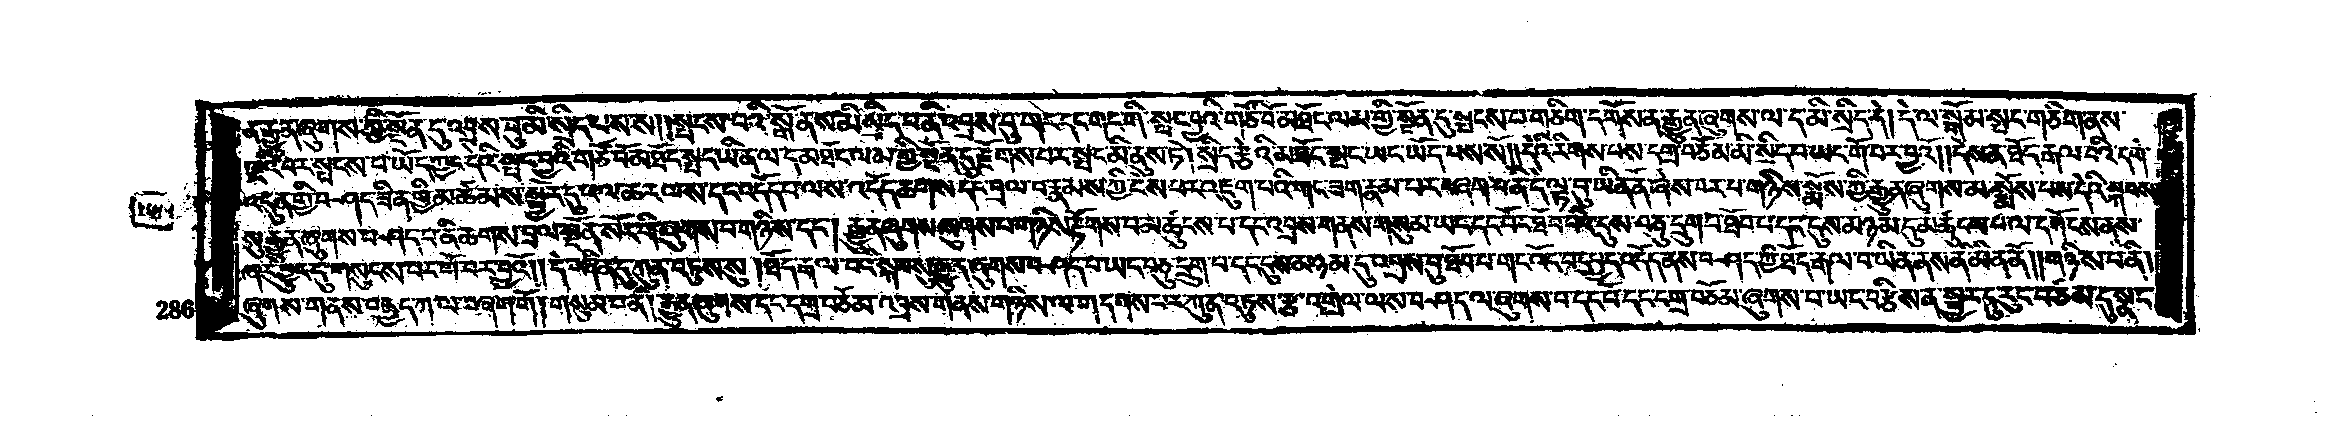ན་རྒྱུན་ཞུགས་ཀྱི་སྔོན་དུ་འབྲས་བུ་མི་སྲིད་པས་ས། །སྤངས་པའི་སྒོ་ནས་མི་སྲིད་པ་ནི་འབྲས་བུ་གང་དང་གང་གི་སྤང་བྱའི་གཙོ་བོ་མཐོང་ལམ་གྱི་སྔོན་དུ་སྤངས་པ་གཅིག་དགོས་ན་རྒྱུན་ཞུགས་ལ་ད་མི་སྲིད་དེ། དེ་ལ་སྒོམ་སྤང་གཅིག་ནས་
ལྔའི་བར་སྤངས་པ་ཡོད་ཀྱང་དེའི་སྤང་བྱའི་གཙོ་བོ་མཐོང་སྤང་ཡིན་ལ་དེ་མཐོང་ལམ་གྱི་སྔོན་དུ་རྫོགས་པར་སྤང་མི་ནུས་ཏེ། སྲིད་རྩེའི་མཐོང་སྤང་ཡང་ཡོད་པས་སོ། །དེའི་རིགས་པས་དགྲ་བཅོམ་མི་སྲིད་པ་ཡང་གོ་བར་བྱའོ། །དེས་ན་ཐོད་རྒལ་བའི་དགེ་
འདུན་གྱི་བཤད་ཟིན་གྱི་མཚམས་སྦྱོར་དུ་ཕལ་ཆར་ལས་དང་འདོད་པ་ལས་འདོད་ཆགས་དང་བྲལ་བ་རྣམས་ཀྱི་ངེས་པར་འཇུག་པའི་གང་ཟག་རྣམ་པར་བཞག་པ་ནི་དེ་ལྟ་བུ་ཡིན་ནོ་ཞེས་བར་པ་གཉིས་སྨོས་ཀྱི་རྒྱུན་ཞུགས་མ་སྨོས་པས་དེའི་སྐབས་
སུ་རྒྱུན་ཞུགས་བཤད་པ་ནི་ཆགས་བྲལ་སྔོན་སོང་གི་ཞུགས་པ་གཉིས་དང་། རྒྱུན་ཞུགས་ཞུགས་པ་གཉིས་རྟོགས་པ་མཚུངས་པ་དང་འབྲས་གནས་གསུམ་ཡང་དང་པོར་ཐོབ་པའི་དུས་བཅུ་དྲུག་པ་ཐོབ་པ་དང་དུས་མཉམ་དུ་མཚུངས་པ་ལ་དགོངས་ནས་
ཞར་བྱུང་དུ་གསུངས་པར་གོ་བར་བྱའོ། །དེ་བཞིན་དུ་ཀུན་བཏུས་སུ། ཐོད་རྒལ་བའི་སྐབས་སུ་རྒྱུན་ཞུགས་བཤད་པ་ཡང་བཅུ་དྲུག་པ་དང་དུས་མཉམ་དུ་འབྲས་བུ་ཐོབ་པ་གང་འོང་བ་དཔྱད་འདོད་ནས་བཤད་ཀྱི་ཐོད་རྒལ་བ་ཡིན་ནས་ནི་མིན་ནོ། །གཉིས་པ་ནི།
ཞུགས་གནས་བརྒྱད་ཀ་ལ་བཞག་གོ །གསུམ་པ་ནི། རྒྱུན་ཞུགས་དང་དགྲ་བཅོམ་འབྲས་གནས་གཉིས་ལ་གདགས་པར་ཀུན་བཏུས་རྩ་འགྲེལ་ལས་བཤད་ལ་ཞུགས་པ་དང་པོ་དང་དགྲ་བཅོམ་ཞུགས་པ་ཡང་བརྩིས་ན་སྦྱར་དུ་རུང་བ་ཙམ་དུ་སྣང་